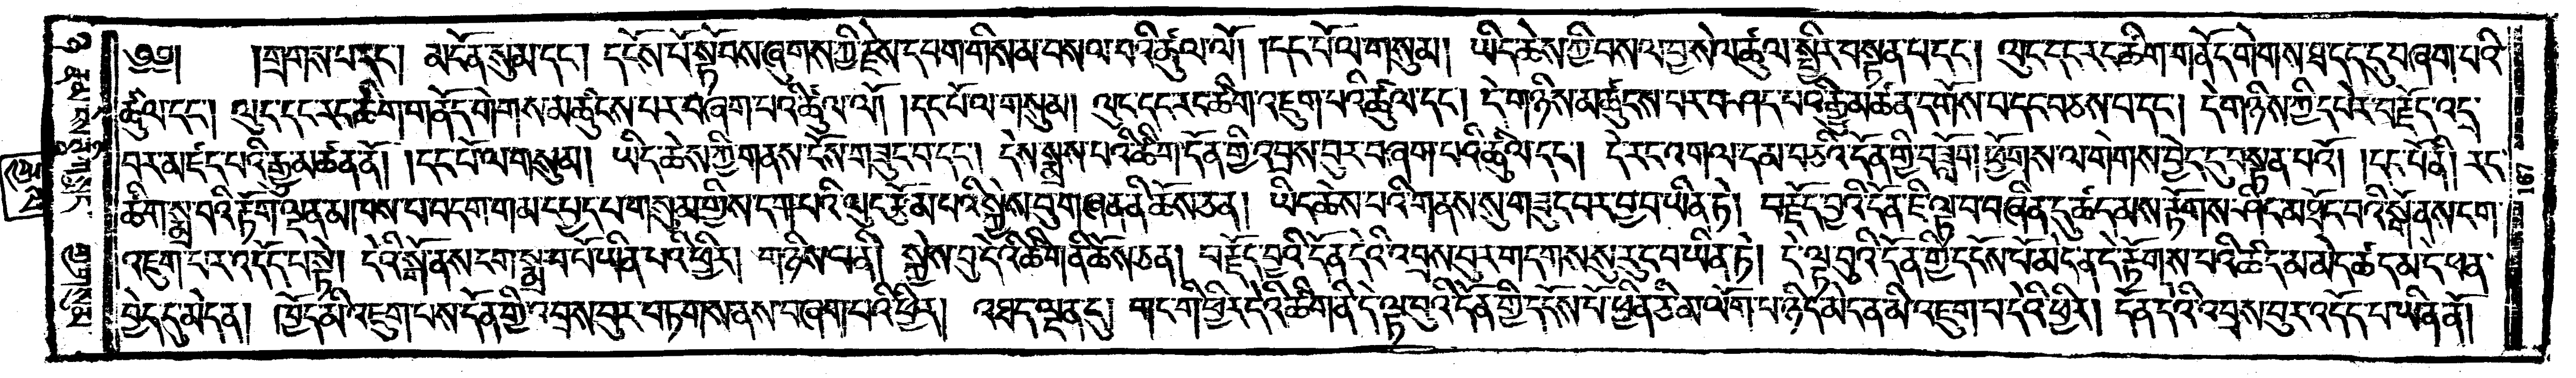༄༅། །གྲགས་པ་དང་། མངོན་སུམ་དང་། དངོས་པོ་སྟོབས་ཞུགས་ཀྱི་རྗེས་དཔག་གིས་མ་བསལ་བའི་ཚུལ་ལོ། །དང་པོ་ལ་གསུམ། ཡིད་ཆེས་ཀྱི་བསལ་བྱ་སེལ་ཚུལ་སྤྱིར་བསྟན་པ་དང་། ལུང་དང་རང་ཚིག་གནོད་གེགས་ཐ་དད་དུ་བཞག་པའི་
ཚུལ་དང་། ལུང་དང་རང་ཚིག་གནོད་གེགས་མཚུངས་པར་བཞག་པའི་ཚུལ་ལོ། །དང་པོ་ལ་གསུམ། ལུང་དང་རང་ཚིག་འཇུག་པའི་ཚུལ་དང་། དེ་གཉིས་མཚུངས་པར་བཤད་པའི་རྒྱུ་མཚན་དགོས་པ་དང་བཅས་པ་དང་། དེ་གཉིས་ཀྱི་དཔེར་བརྗོད་འདྲ་
བར་མཛད་པའི་རྒྱུ་མཚན་ནོ། །དང་པོ་ལ་གསུམ། ཡིད་ཆེས་ཀྱི་གནས་ངོས་གཟུང་བ་དང་། དེས་སྨྲས་པའི་ཚིག་དོན་གྱི་འབྲས་བུར་བཞག་པའི་ཚུལ་དང་། དེ་རང་འགལ་དམ་བཅའི་དོན་གྱི་བཟློག་ཕྱོགས་ལ་གེགས་བྱེད་དུ་བསྟན་པའོ། །དང་པོ་ནི། རང་
ཚིག་སྨྲ་བའི་རྟོག་ལྡན་མཁས་པ་བདག་གམ་དཔྱད་པ་གསུམ་གྱིས་དག་པའི་ལུང་རྩོམ་པའི་སྐྱེས་བུ་གཞན་ནི་ཆོས་ཅན། ཡིད་ཆེས་པའི་གནས་སུ་གཟུང་བར་བྱ་བ་ཡིན་ཏེ། བརྗོད་བྱའི་དོན་ཇི་ལྟ་བ་བཞིན་དུ་ཚད་མས་རྟོགས་ཤིང་མཐོང་བའི་སྒོ་ནས་ངག་
འཇུག་པར་འདོད་པ་སྟེ། དེའི་སྒོ་ནས་ངག་སྨྲ་བ་པོ་ཡིན་པའི་ཕྱིར། གཉིས་པ་ནི། སྐྱེས་བུ་དེའི་ཚིག་ནི་ཆོས་ཅན། བརྗོད་བྱའི་དོན་དེའི་འབྲས་བུར་གདགས་སུ་རུང་བ་ཡིན་ཏེ། དེ་ལྟ་བུའི་དོན་གྱི་དངོས་པོ་མེད་ན་དེ་རྟོགས་པའི་ཚད་མ་མེད་ཚད་མ་དེ་ཕན་
བྱེད་དུ་མེད་ན། ཁྱོད་མི་འཇུག་པས་དོན་གྱི་འབྲས་བུར་བཏགས་ནས་བཞག་བའི་ཕྱིར། འཐད་ལྡན་དུ། གང་གི་ཕྱིར་དེའི་ཚིག་ནི་དེ་ལྟ་བུའི་དོན་གྱི་དངོས་པོ་ཕྱིན་ཅི་མ་ལོག་པ་ཉིད་མེད་ན་མི་འཇུག་པ་དེའི་ཕྱིར། དོན་དེའི་འབྲས་བུར་འདོད་པ་ཡིན་ནོ།